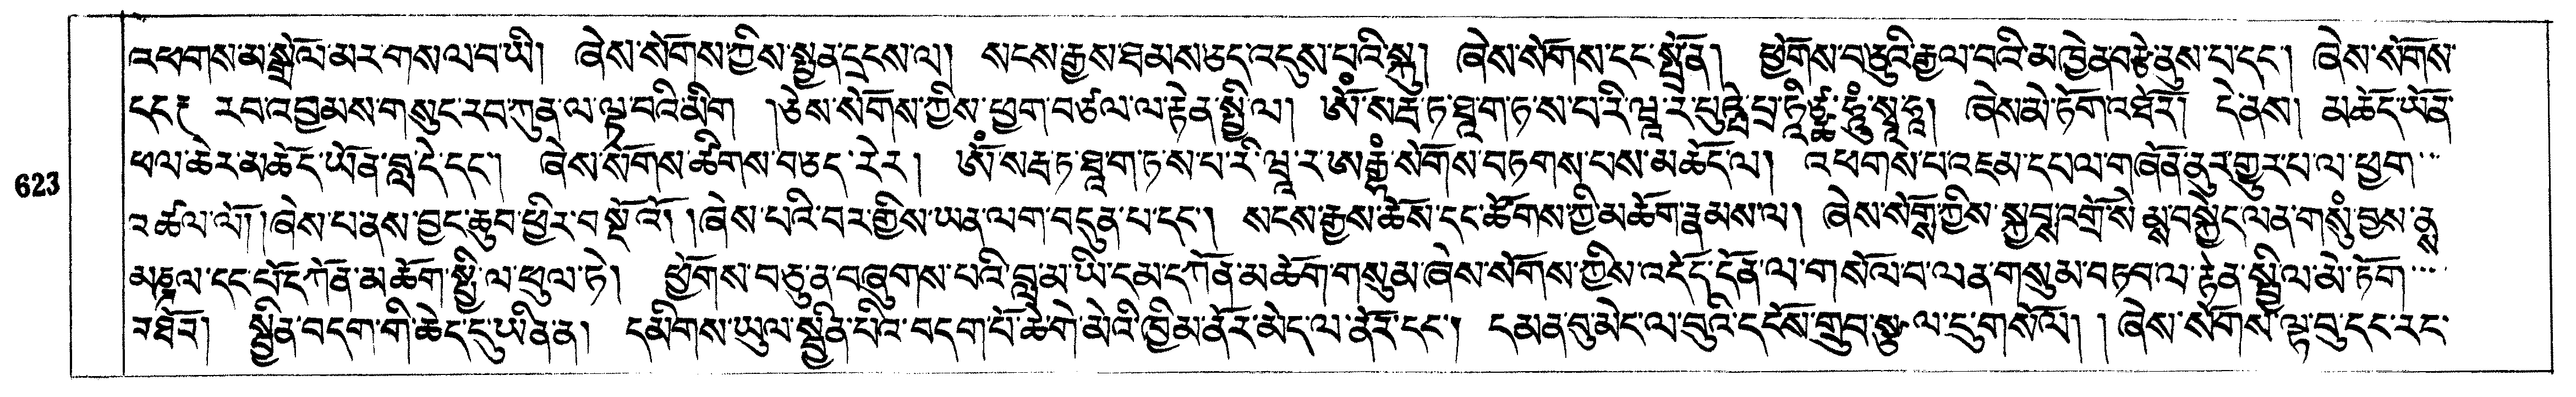འཕགས་མ་སྒྲོལ་མར་གསལ་བ་ཡི། ཞེས་སོགས་ཀྱིས་སྤྱན་དྲངས་ལ། སངས་རྒྱས་ཐམས་ཅད་འདུས་པའི་སྐུ། ཞེས་སོགས་དང་སྤྲོ་ན། ཕྱོགས་བཅུའི་རྒྱལ་བའི་མཁྱེན་བརྩེ་ནུས་པ་དང་། ཞེས་སོགས་
དང༑ རབ་འབྱམས་གསུང་རབ་ཀུན་ལ་ལྟ་བའི་མིག །ཅེས་སོགས་ཀྱིས་ཕྱག་བཙལ་ལ་རྟེན་སྤྱི་ལ། ཨོཾ་སརྦ་ཏ་ཐཱ་ག་ཏ་ས་པ་རི་ཝཱ་ར་པུཥྤེ་པྲ་ཏཱི་ཙྪ་ཧཱུཾ་སྭཱ་ཧཱ། ཞེས་མེ་ཏོག་འཐོར། དེ་ནས། མཆོད་ཡོན་
ཕལ་ཆེར་མཆོད་ཡོན་བླ་དེ་དང་། ཞེས་སོགས་ཚིགས་བཅད་རེར། ཨོཾ་སརྦ་ཏ་ཐཱ་ག་ཏ་ས་པ་རི་ཝཱ་ར་ཨརྒྷཾ་སོགས་བཏགས་པས་མཆོད་ལ། འཕགས་པ་འཇམ་དཔལ་གཞོན་ནུར་གྱུར་པ་ལ་ཕྱག་
འཚལ་ལོ། །ཞེས་པ་ནས་བྱང་ཆུབ་ཕྱིར་བསྔོའོ། །ཞེས་པའི་བར་གྱིས་ཡན་ལག་བདུན་པ་དང་། སངས་རྒྱས་ཆོས་དང་ཚོགས་ཀྱི་མཆོག་རྣམས་ལ། ཞེས་སོགས་ཀྱིས་སྐྱབས་འགྲོ་སེམས་བསྐྱེད་ལན་གསུམ་བྱས་ནས་
མཎྜལ་དང་པོ་དཀོན་མཆོག་སྤྱི་ལ་ཕུལ་ཏེ། ཕྱོགས་བཅུ་ན་བཞུགས་པའི་བླ་མ་ཡི་དམ་དཀོན་མཆོག་གསུམ་ཞེས་སོགས་ཀྱིས་འདོད་དོན་ལ་གསོལ་བ་ལན་གསུམ་བཏབ་ལ་རྟེན་སྤྱི་ལ་མེ་ཏོག་
འཐོར། སྦྱིན་བདག་གི་ཆེད་དུ་ཡིན་ན། དམིགས་ཡུལ་སྦྱིན་པའི་བདག་པོ་ཆེ་གེ་མེའི་ཁྱིམ་ནོར་མེད་ལ་ནོར་དང་། དམན་བུ་མེད་ལ་བུའི་དངོས་གྲུབ་སྩལ་དུ་གསོལ། །ཞེས་སོགས་ལྟ་བུ་དང་རང་